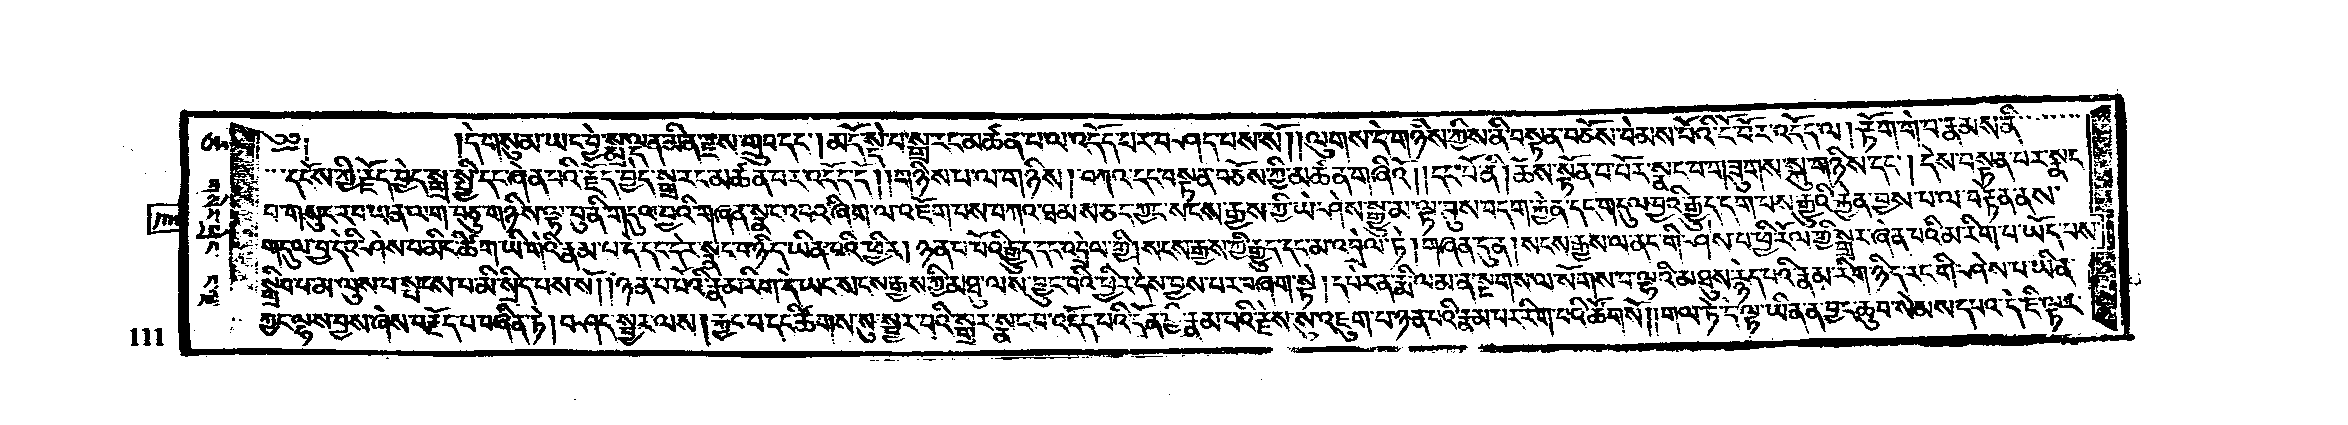༄༅། །དེ་གསུམ་ཡང་བྱེ་སྨྲ་ལྡན་མིན་རྫས་གྲུབ་དང་། མདོ་སྡེ་པ་སྒྲ་རང་མཚན་པ་ལ་འདོད་པར་བཤད་པས་སོ། །ལུགས་དེ་གཉིས་ཀྱིས་ནི་བསྟན་བཅོས་བེམས་པོའི་ངོ་བོར་འདོད་ལ། རྟོག་གེ་བ་རྣམས་ནི་
དངོས་ཀྱི་རྗོད་བྱེད་སྒྲ་སྤྱི་དང་ཞེན་པའི་རྗོད་བྱེད་སྒྲ་རང་མཚན་པར་འདོད་དོ། །གཉིས་པ་ལ་གཉིས། བཀའ་དང་བསྟན་བཅོས་ཀྱི་མཚན་གཞིའོ། །དང་པོ་ནི། ཆོས་སྟོན་པ་པོར་སྣང་བ་གཟུགས་སྐུ་གཉིས་དང་། དེས་བསྟན་པར་སྣང་
བ་གསུང་རབ་ཡན་ལག་བཅུ་གཉིས་ལྟ་བུ་ནི་གདུལ་བྱའི་གཞན་སྣང་འབའ་ཞིག་ལ་འཇོག་པས་བཀའ་ཐམས་ཅད་ཀྱང་སངས་རྒྱས་ཀྱི་ཡེ་ཤེས་སྒྱུ་མ་ལྟ་བུས་བདག་རྐྱེན་དང་གདུལ་བྱའི་རྒྱུད་དག་པས་རྒྱུའི་རྐྱེན་བྱས་པ་ལ་བརྟེན་ནས་
གདུལ་བྱ་དེའི་ཤེས་པ་མིང་ཚིག་ཡི་གེའི་རྣམ་པ་དེ་དང་དེར་སྣང་བ་ཉིད་ཡིན་པའི་ཕྱིར། ཉན་པ་པོའི་རྒྱུད་དང་འབྲེལ་གྱི། སངས་རྒྱས་ཀྱི་རྒྱུད་དང་མ་འབྲེལ་ཏེ། གཞན་དུ་ན། སངས་རྒྱས་ལ་ནང་གི་ཤེས་པ་ཕྱི་རོལ་གྱི་སྒྲར་ཞེན་པའི་མ་རིག་པ་ཡོད་པས་
སྒྲིབ་པ་མ་ལུས་པ་སྤངས་པ་མི་སྲིད་པས་སོ། །ཉན་པོ་པོའི་རྣམ་རིག་དེ་ཡང་སངས་རྒྱས་ཀྱི་མཐུ་ལས་བྱུང་བའི་ཕྱིར་དེས་བྱས་པར་བཞག་སྟེ། དཔེར་ན་རྨི་ལམ་ན་སྔགས་ལ་སོགས་པ་ལྷའི་མཐུས་རྙེད་པའི་རྣམ་རིག་ཉིད་རང་གི་ཤེས་པ་ཡིན་
ཀྱང་ལྷས་བྱས་ཞེས་བརྗོད་པ་བཞིན་ཏེ། བཤད་སྦྱར་ལས། རྐྱང་པ་དང་ཚིགས་སུ་སྦྱར་བའི་སྒྲར་སྣང་བ་འདོད་པའི་དོན་གྱི་རྣམ་པའི་རྗེས་སུ་འཇུག་པ་ཉན་པའི་རྣམ་པར་རིག་པའི་ཚོགས་སོ། །གལ་ཏེ་དེ་ལྟ་ཡིན་ན་བྱང་ཆུབ་སེམས་དཔའ་དེ་ཇི་ལྟར་